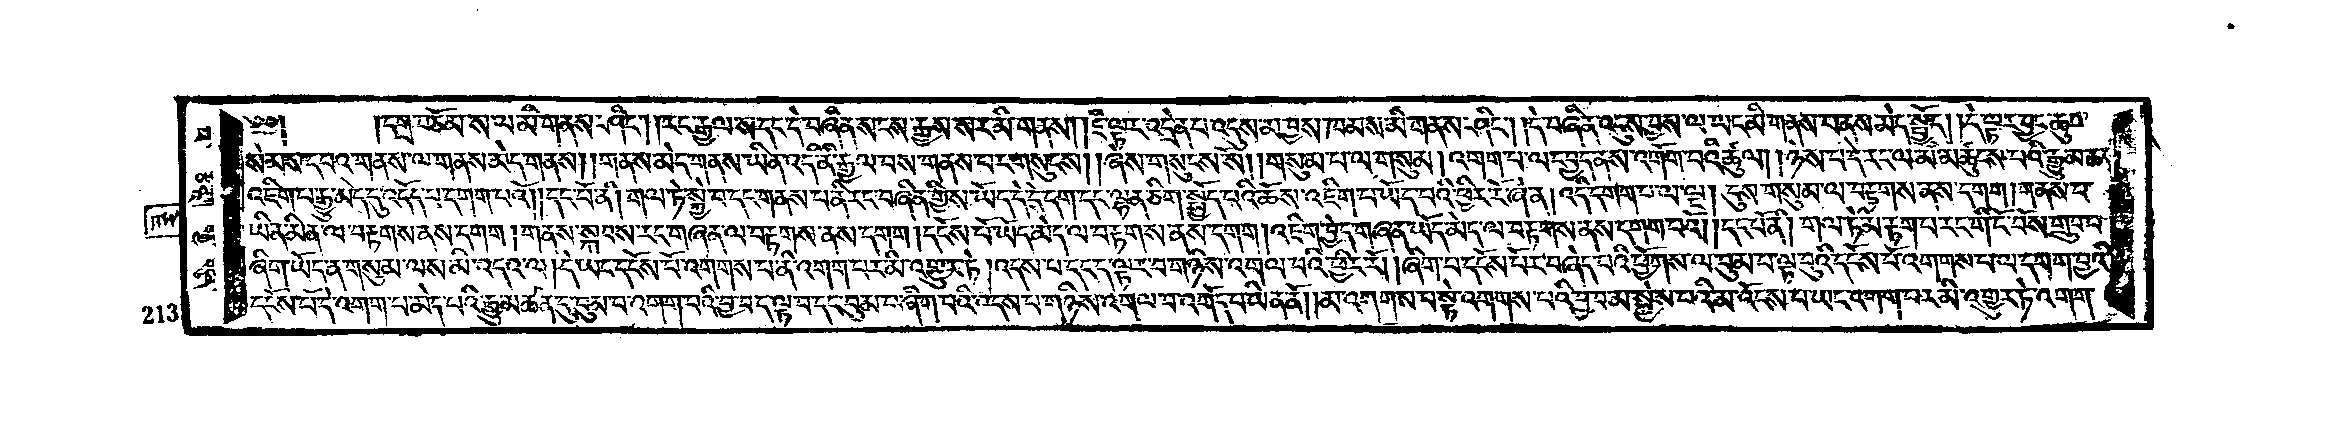༄༅། །དགྲ་བཅོམ་ས་ལ་མི་གནས་ཤིང་། །རང་རྒྱལ་ས་དང་དེ་བཞིན་སངས་རྒྱས་སར་མི་གནས། །ཇི་ལྟར་འདྲེན་པ་འདུས་མ་བྱས་ཁམས་མི་གནས་ཤིང་། །དེ་བཞིན་འདུས་བྱས་ལ་ཡང་མི་གནས་གནས་མེད་སྤྱོད། །དེ་ལྟར་བྱང་ཆུབ་
སེམས་དཔའ་གནས་ལ་གནས་མེད་གནས། །གནས་མེད་གནས་ཡིན་འདི་ནི་རྒྱལ་བས་གནས་པར་གསུངས། །ཞེས་གསུངས་སོ། །གསུམ་པ་ལ་གསུམ། འགག་པ་ལ་དབྱད་ནས་འགོག་པའི་ཚུལ། །ཉེས་པ་ད་རང་ལ་མ་མཚུངས་པའི་རྒྱུ་མཚན་
འཇིག་པ་རྒྱུ་མད་དུ་འདོད་པ་དགག་པའོ། །དང་པོ་ནི། གལ་ཏེ་སྐྱེ་བ་དང་གནས་པ་ནི་རང་བཞིན་གྱིས་ཡོད་དེ་དེ་དག་དང་ལྷན་ཅིག་སྤྱོད་པའི་ཆོས་འཇིག་པ་ཡོད་པའི་ཕྱིར་རོ་ཞེ་ན། འདི་དགག་པ་ལ་ལྔ། དུས་གསུམ་ལ་བརྟགས་ནས་དགག །གནས་པ་
ཡིན་མིན་ལ་བརྟགས་ནས་དགག །གནས་སྐབས་རང་གཞན་ལ་བརྟགས་ནས་དགག །དངོས་པོ་ཡོད་མེད་ལ་བརྟགས་ནས་དགག །འཇིག་བྱེད་གཞན་ཡོད་མེད་ལ་བརྟགས་ནས་དགག་བའོ། །དང་པོ་ནི། གལ་ཏེ་མི་རྟག་པ་རང་གི་ངོ་བོས་གྲུབ་པ་
ཞིག་ཡོད་ན་གསུམ་ལས་མི་འདའ་ལ། དེ་ཡང་དངོས་པོ་འགགས་པ་ནི་འགག་པར་མི་འགྱུར་ཏེ། འདས་པ་དང་ད་ལྟར་བ་གཉིས་འགལ་བའི་ཕྱིར་རོ། །ཞིག་པ་དངོས་པོར་བཞེད་པའི་ཕྱོགས་ལ་བུམ་པ་ལྟ་བུའི་དངོས་པོ་འགགས་པ་ལ་དགག་བྱའི་
དངོས་པོ་དེ་འགག་པ་མེད་པའི་རྒྱུ་མཚན་དུ་བུམ་པ་འགག་པའི་བྱ་བད་ལྟ་བ་དང་བུམ་བ་ཞིག་པའི་འདས་པ་གཉིས་འགལ་བ་འགོད་པ་ཡིན་ནོ། །མ་འགགས་པ་སྟེ་འགགས་པའི་བྱ་བ་མ་སྐྱེས་པའི་མ་འོངས་པ་ཡང་འགག་པར་མི་འགྱུར་ཏེ་འགག་